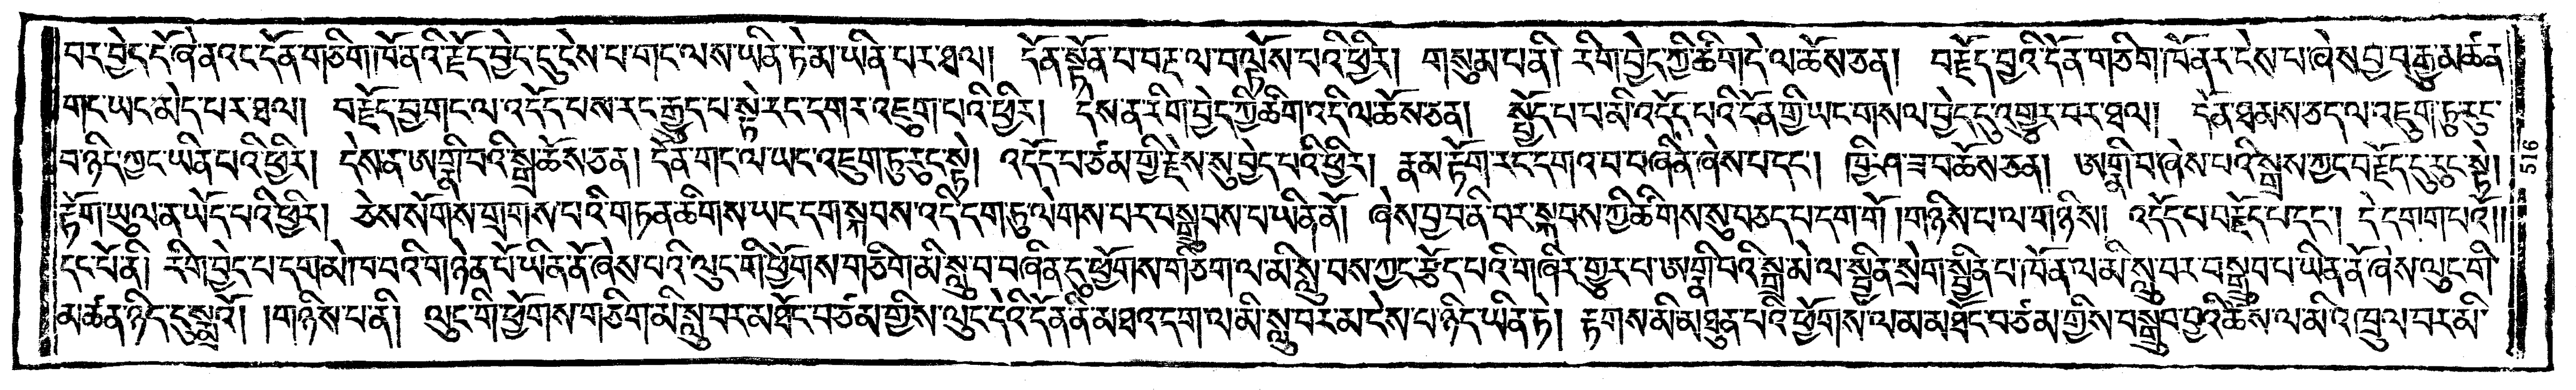བར་བྱེད་དོ་ཞེ་ནའང་དོན་གཅིག་ཁོ་ནའི་རྗོད་བྱེད་དུ་ངེས་པ་གང་ལས་ཡིན་ཏེ་མ་ཡིན་པར་ཐལ། དོན་སྟོན་པ་བརྔ་ལ་བལྟོས་པའི་ཕྱིར། གསུམ་པ་ནི། རིག་བྱེད་ཀྱི་ཚིག་དེ་ལ་ཆོས་ཅན། བརྗོད་བྱའི་དོན་གཅིག་ཁོ་ནར་ངེས་པ་ཞེས་བྱ་བ་རྒྱུ་མཚན་
གང་ཡང་མེད་པར་ཐལ། བརྗོད་བྱ་གང་ལ་འདོད་པས་རང་རྒྱུད་པ་སྟེ་རང་དགར་འཇུག་པའི་ཕྱིར། དེས་ན་རིག་བྱེད་ཀྱི་ཚིག་འདི་ལ་ཆོས་ཅན། སྤྱོད་པ་པ་མི་འདོད་པའི་དོན་གྱི་ཡང་གསལ་བྱེད་དུ་འགྱུར་བར་ཐལ། དོན་ཐམས་ཅད་ལ་འཇུག་ཏུ་རུང་
བ་ཉིད་ཀྱང་ཡིན་པའི་ཕྱིར། དེས་ན་ཨགནི་བའི་སྒྲ་ཆོས་ཅན། དོན་གང་ལ་ཡང་འཇུག་ཏུ་རུང་སྟེ། འདོད་པ་ཙམ་གྱི་རྗེས་སུ་བྱེད་པའི་ཕྱིར། རྣམ་རྟོག་རང་དགའ་བ་བཞིན་ཞེས་པ་དང་། ཁྱི་ཤ་ཟ་བ་ཆོས་ཅན། ཨགནི་བ་ཞེས་པའི་སྒྲས་ཀྱང་བརྗོད་དུ་རུང་སྟེ།
རྟོག་ཡུལ་ན་ཡོད་པའི་ཕྱིར། ཅེས་སོགས་གྲགས་པའི་གཏན་ཚིགས་ཡང་དག་སྐབས་འདི་དག་ཏུ་ལེགས་པར་བསྒྲུབས་པ་ཡིན་ནོ། ཞེས་བྱ་བ་ནི་བར་སྐབས་ཀྱི་ཚིགས་སུ་བཅད་པ་དག་གོ །གཉིས་པ་ལ་གཉིས། འདོད་པ་བརྗོད་པ་དང་། དེ་དགག་པའོ།།
དང་པོ་ནི། རིག་བྱེད་པ་དག་མེ་ཁ་བའི་གཉེན་པོ་ཡིན་ནོ་ཞེས་པའི་ལུང་གི་ཕྱོགས་གཅིག་མི་སླུ་བ་བཞིན་དུ་ཕྱོགས་གཅིག་ལ་མི་སླུ་བས་ཀྱང་རྩོད་པའི་གཞིར་གྱུར་པ་ཨགནི་བའི་སྒྲ་མེ་ལ་སྦྱིན་སྲེག་སྦྱིན་པ་ཁོ་ན་ལ་མི་སླུ་བར་བསྒྲུབ་པ་ཡིན་ནོ་ཞེས་ལུང་གི་
མཚན་ཉིད་དུ་སྨྲའོ། །གཉིས་པ་ནི། ལུང་གི་ཕྱོགས་གཅིག་མི་སླུ་བར་མཐོང་བ་ཙམ་གྱིས་ལུང་དེའི་དོན་ནི་མཐའ་དག་ལ་མི་སླུ་བར་མ་ངེས་པ་ཉིད་ཡིན་ཏེ། རྟགས་མི་མཐུན་པའི་ཕྱོགས་ལ་མ་མཐོང་བ་ཙམ་གྱིས་བསྒྲུབ་བྱའི་ཆོས་ལ་མི་འཁྲུལ་བར་མི་